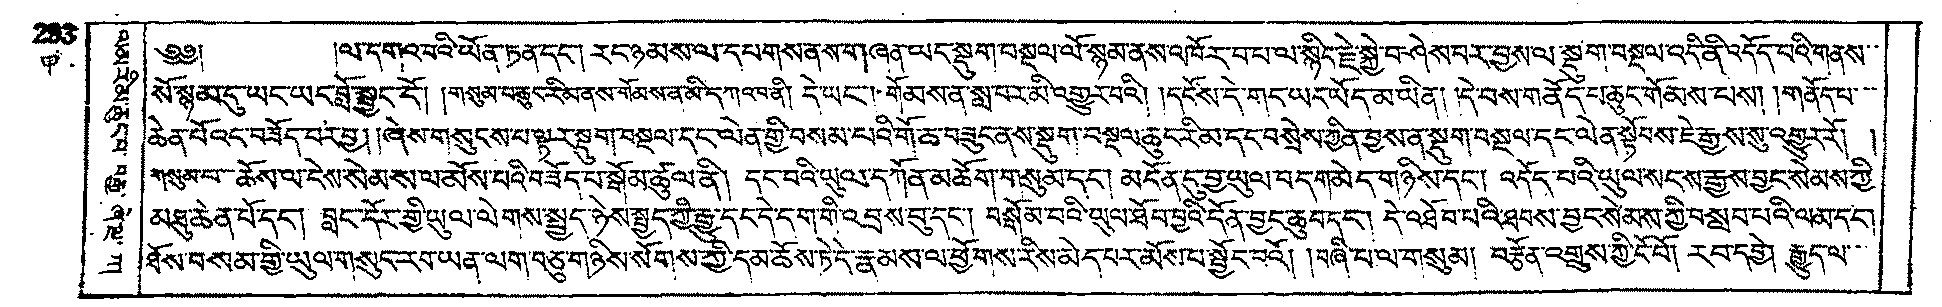༄༅། །ལ་དགའ་བའི་ཡོན་ཏན་དང་། རང་ཉམས་ལ་དཔགས་ནས་གཞན་ཡང་སྡུག་བསྔལ་ལོ་སྙམ་ནས་འཁོར་བ་པ་ལ་སྙིང་རྗེ་སྐྱེ་བ་ཤེས་པར་བྱས་ལ་སྡུག་བསྔལ་འདི་ནི་འདོད་པའི་གནས་
སོ་སྙམ་དུ་ཡང་ཡང་བློ་སྦྱང་ངོ། །གསུམ་པ་ཆུང་རིམ་ནས་གོམས་ན་མི་དཀའ་བ་ནི།  དེ་ཡང་། གོམས་ན་སླ་བར་མི་འགྱུར་བའི། །དངོས་དེ་གང་ཡང་ཡོད་མ་ཡིན། །དེ་བས་གནོད་པ་ཆུང་གོམས་པས། །གནོད་པ་
ཆེན་པོའང་བཟོད་པར་བྱ། །ཞེས་གསུངས་པ་ལྟར་སྡུག་བསྔལ་དང་ལེན་གྱི་བསམ་པའི་གོ་ཆ་བཟུང་ནས་སྡུག་བསྔལ་ཆུང་རིམ་དང་བསྲེས་ཀྱིན་བྱས་ན་སྡུག་བསྔལ་དང་ལེན་སྟོབས་ཇེ་རྒྱས་སུ་འགྱུར་རོ། །
གསུམ་པ་ཆོས་ལ་ངེས་སེམས་ལ་མོས་པའི་བཟོད་པ་སྒོམ་ཚུལ་ནི། དང་བའི་ཡུལ་དཀོན་མཆོག་གསུམ་དང་། མངོན་དུ་བྱ་ཡུལ་བདག་མེད་གཉིས་དང་། འདོད་པའི་ཡུལ་སངས་རྒྱས་བྱང་སེམས་ཀྱི་
མཐུ་ཆེན་པོ་དང་། བླང་དོར་གྱི་ཡུལ་ལེགས་སྤྱད་ཉེས་སྤྱད་ཀྱི་རྒྱུ་དང་དེ་དག་གི་འབྲས་བུ་དང་། བསྒོམ་པའི་ཡུལ་ཐོབ་བྱའི་དོན་བྱང་ཆུབ་དང་། དེ་འཐོབ་པའི་ཐབས་བྱང་སེམས་ཀྱི་བསླབ་པའི་ལམ་དང་།
ཐོས་བསམ་གྱི་ཡུལ་གསུང་རབ་ཡན་ལག་བཅུ་གཉིས་སོགས་ཀྱི་དམ་ཆོས་ཏེ་དེ་རྣམས་ལ་ཕྱོགས་རིས་མེད་པར་མོས་པ་སྦྱོང་བའོ། །བཞི་པ་ལ་གསུམ། བརྩོན་འགྲུས་ཀྱི་ངོ་བོ། རབ་དབྱེ། རྒྱུད་ལ་